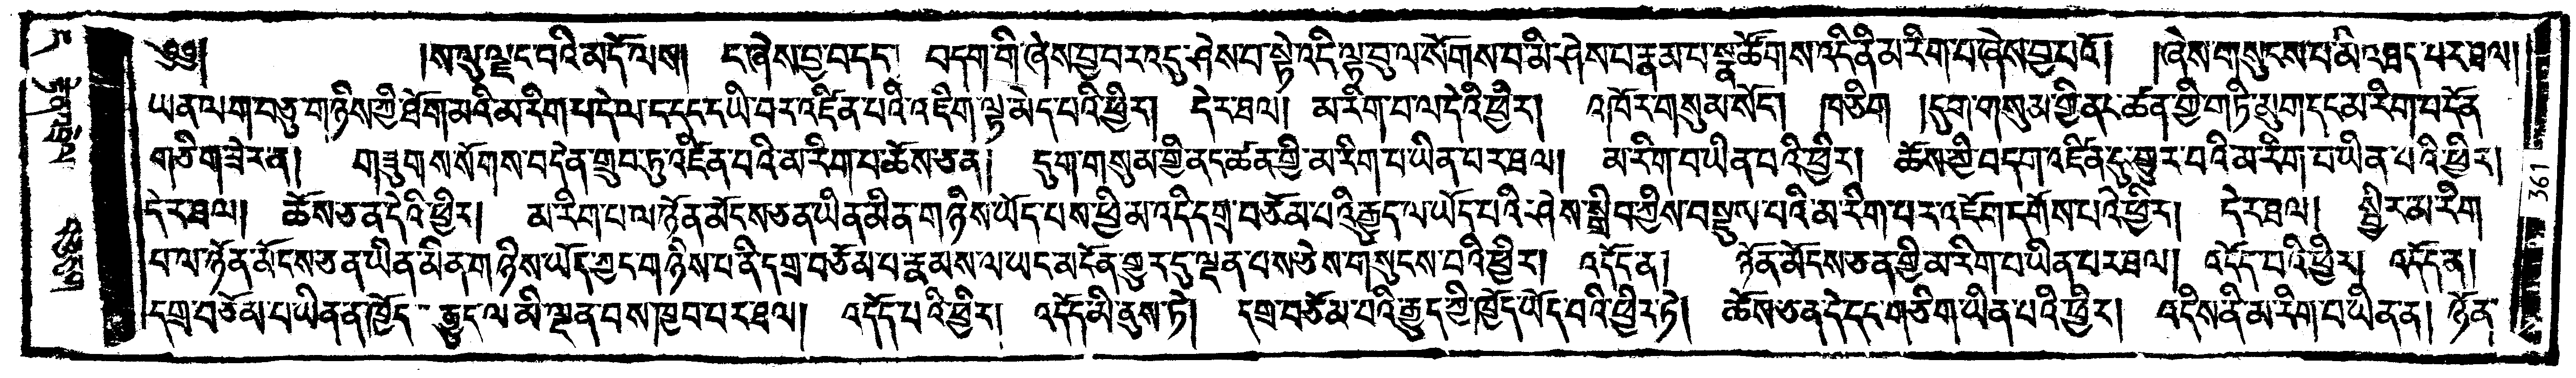༄༅། །ས་ལུ་ལྗང་བའི་མདོ་ལས། ང་ཞེས་བྱ་བ་དང་། བདག་གི་ཞེས་བྱ་བར་འདུ་ཤེས་པ་སྟེ་འདི་ལྟ་བུ་ལ་སོགས་པ་མི་ཤེས་པ་རྣམ་པ་སྣ་ཚོགས་འདི་ནི་མ་རིག་པ་ཞེས་བྱ་བའོ། །ཞེས་གསུངས་པ་མི་འཐད་པར་ཐལ།
ཡན་ལག་བཅུ་གཉིས་ཀྱི་ཐོག་མའི་མ་རིག་པ་དེ་ལ་ང་དང་ང་ཡི་བར་འཛིན་པའི་འཇིག་ལྟ་མེད་པའི་ཕྱིར། དེར་ཐལ། མ་རིག་པ་ལ་དེའི་ཕྱིར། འཁོར་གསུམ་སོང་། ཁ་ཅིག །དུག་གསུམ་གྱི་ནང་ཚན་གྱི་གཏི་མུག་དང་མ་རིག་པ་དོན་
གཅིག་ཟེར་ན། གཟུགས་སོགས་བདེན་གྲུབ་ཏུ་འཛིན་པའི་མ་རིག་པ་ཆོས་ཅན། དུག་གསུམ་གྱི་ནང་ཚན་གྱི་མ་རིག་པ་ཡིན་པར་ཐལ། མ་རིག་པ་ཡིན་པའི་ཕྱིར། ཆོས་ཀྱི་བདག་འཛིན་དུ་གྱུར་བའི་མ་རིག་པ་ཡིན་པའི་ཕྱིར།
དེར་ཐལ། ཆོས་ཅན་དེའི་ཕྱིར། མ་རིག་པ་ལ་ཉོན་མོངས་ཅན་ཡིན་མིན་གཉིས་ཡོད་པས་ཕྱི་མ་འདི་དགྲ་བཅོམ་པའི་རྒྱུད་ལ་ཡོད་པའི་ཤེས་སྒྲིབ་ཀྱིས་བསྡུས་པའི་མ་རིག་པར་འཇོག་དགོས་པའི་ཕྱིར། དེར་ཐལ། སྤྱིར་མ་རིག་
པ་ལ་ཉོན་མོངས་ཅན་ཡིན་མིན་གཉིས་ཡོད་ཀྱང་གཉིས་པ་ནི་དགྲ་བཅོམ་པ་རྣམས་ལ་ཡང་མངོན་གྱུར་དུ་ལྡན་པས་ཅེས་གསུངས་པའི་ཕྱིར། འདོད་ན། ཉོན་མོངས་ཅན་གྱི་མ་རིག་པ་ཡིན་པར་ཐལ། འདོད་པའི་ཕྱིར། འདོད་ན།
དགྲ་བཅོམ་པ་ཡིན་ན་ཁྱོད་རྒྱུད་ལ་མི་ལྡན་པས་ཁྱབ་པར་ཐལ། འདོད་པའི་ཕྱིར། འདོད་མི་ནུས་ཏེ། དགྲ་བཅོམ་པའི་རྒྱུད་ཀྱི་ཁྱོད་ཡོད་པའི་ཕྱིར་ཏེ། ཆོས་ཅན་དེ་དང་གཅིག་ཡིན་པའི་ཕྱིར། འདིས་ནི་མ་རིག་པ་ཡིན་ན། ཉོན་